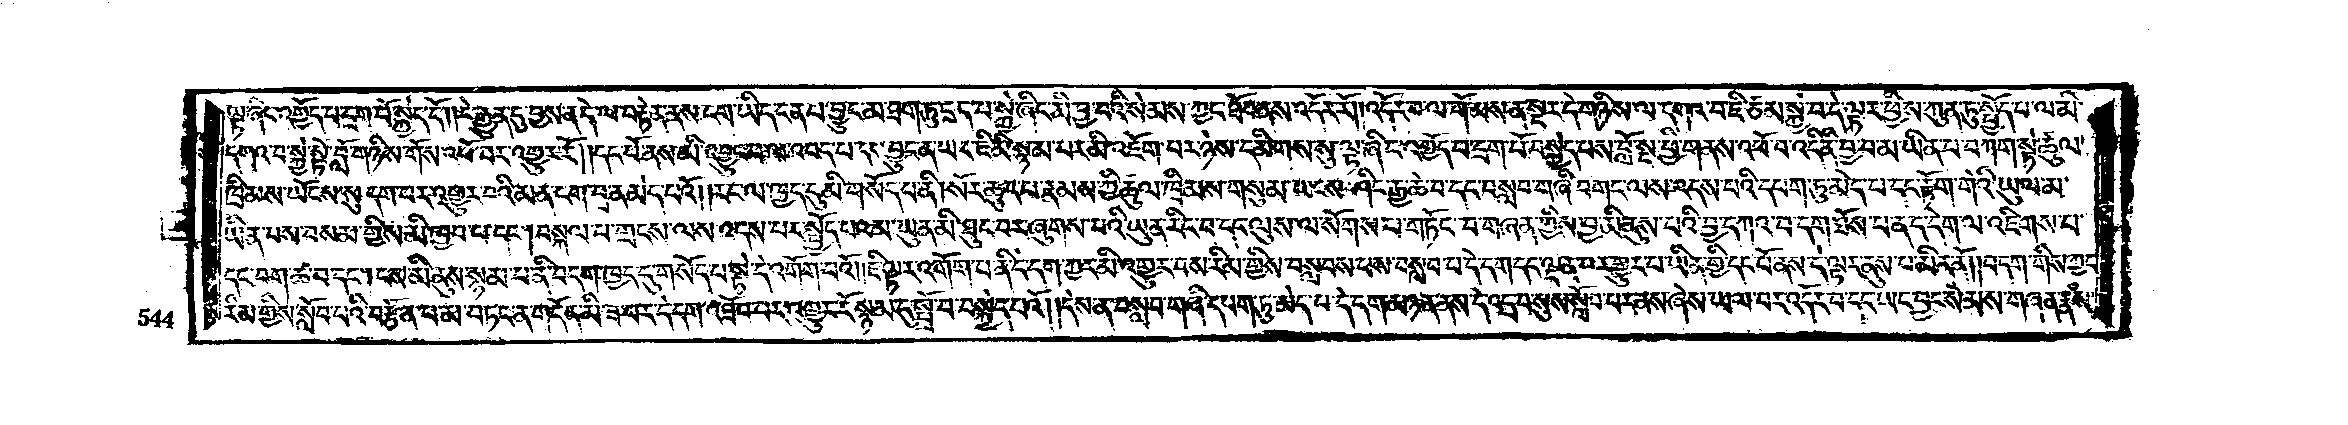ལྟ་ཞིང་འགྱོད་པ་དྲག་པོ་སྐྱེད་དོ། །དེ་རྒྱུན་དུ་བྱས་ན་དེ་ལ་བརྟེན་ནས་ངག་ཡིད་ངན་པ་བྱུང་མ་ཐག་ཏུ་དྲད་པ་སྐྱེ་ཞིང་མི་བྱ་བའི་སེམས་ཀྱང་ཐོབ་ནས་འདོར་རོ། །འདོར་བ་ལ་གོ་མས་ན་སྔར་དེ་གཉིས་ལ་དགའ་བ་ཇི་ཙམ་སྐྱེ་བ་དེ་ལྟར་ཕྱིས་ཀུན་ཏུ་སྤྱོད་པ་ལ་མི་
དགའ་བ་སྐྱེ་སྟེ་བློ་གཉིས་གོས་འཕོ་བར་འགྱུར་རོ། །དང་པོ་ནས་མི་འབྱུང་བ་ལ་འབད་པ་དང་བྱུང་ན་ཡང་ཇི་མི་སྙམ་པར་མི་འཇོག་པར་ཉེས་དམིགས་སུ་ལྟ་ཞིང་འགྱོད་པ་དྲག་པོ་བསྐྱེད་པས་བློ་སྔ་ཕྱི་གནས་འཕོ་བ་འདི་ནི་བྱ་བ་མ་ཡིན་པ་བཀག་སྟེ་ཚུལ་
ཁྲིམས་ཡོངས་སུ་དག་པར་འགྱུར་བའི་མན་ངག་བྲ་ན་མེད་པའོ། །རང་ལ་ཁྱད་དུ་མི་གསོད་པ་ནི། སོར་ཆུད་པ་རྣམས་ཀྱི་ཚུལ་ཁྲིམས་གསུམ་ཡངས་ཤིང་རྒྱ་ཆེ་བ་དང་བསླབ་གཞི་བ་གང་ལས་འདས་པའི་དཔག་ཏུ་མེད་པ་དང་རྟོག་གེའི་ཡུལ་མ་
ཡིན་པས་བསམ་གྱིས་མི་ཁྱབ་པ་དང་། བསྐལ་པ་གྲངས་ལས་འདས་པར་སྤྱོད་པའམ་ཡུན་མི་ཐུང་བར་ཞུགས་པའི་ཡུན་རིང་བ་དང་ལུས་ལ་སོགས་པ་གཏོང་བ་གཞན་གྱིས་བྱ་མི་ནུས་པའི་བྱ་དཀའ་བ་དག་ཐོས་པ་ན་ད་དེག་ལ་འཇིགས་པ་
དང་བག་ཚ་བ་དང་། ངས་མི་ནུས་སྙམ་པ་ནི་བདག་ཁྱད་དུ་གསོད་པ་སྟེ་དེ་འགོག་པའོ། །ཇི་ལྟར་འགོག་པ་ནི་དེ་དག་ཀྱང་མི་འགྱུར་བས་རིམ་གྱིས་བསླབས་པས་བསླབ་པ་དེ་དག་དང་ལྡན་པར་གྱུར་པ་ཡིན་གྱི་དང་པོ་ནས་དེ་ལྟར་ནུས་པ་མིན་ནོ། །བདག་གིས་ཀྱང་
རིམ་གྱིས་སློབ་པའི་བརྩོན་པ་མ་བཏང་ན་གདོན་མི་ཟ་བར་དེ་དག་འཐོབ་པར་འགྱུར་རོ་སྙམ་དུ་སྤྲོ་བ་བསྐྱེད་པའོ། །དེས་ན་བསླབ་གཞི་དཔག་ཏུ་མེད་པ་དེ་དག་མཉན་ནས་དེ་འདྲ་བ་སུས་སློབ་པར་ནས་ཞེས་ཡལ་བར་འདོར་བ་དང་ཡང་བྱང་སེམས་གཞན་རྣམས་